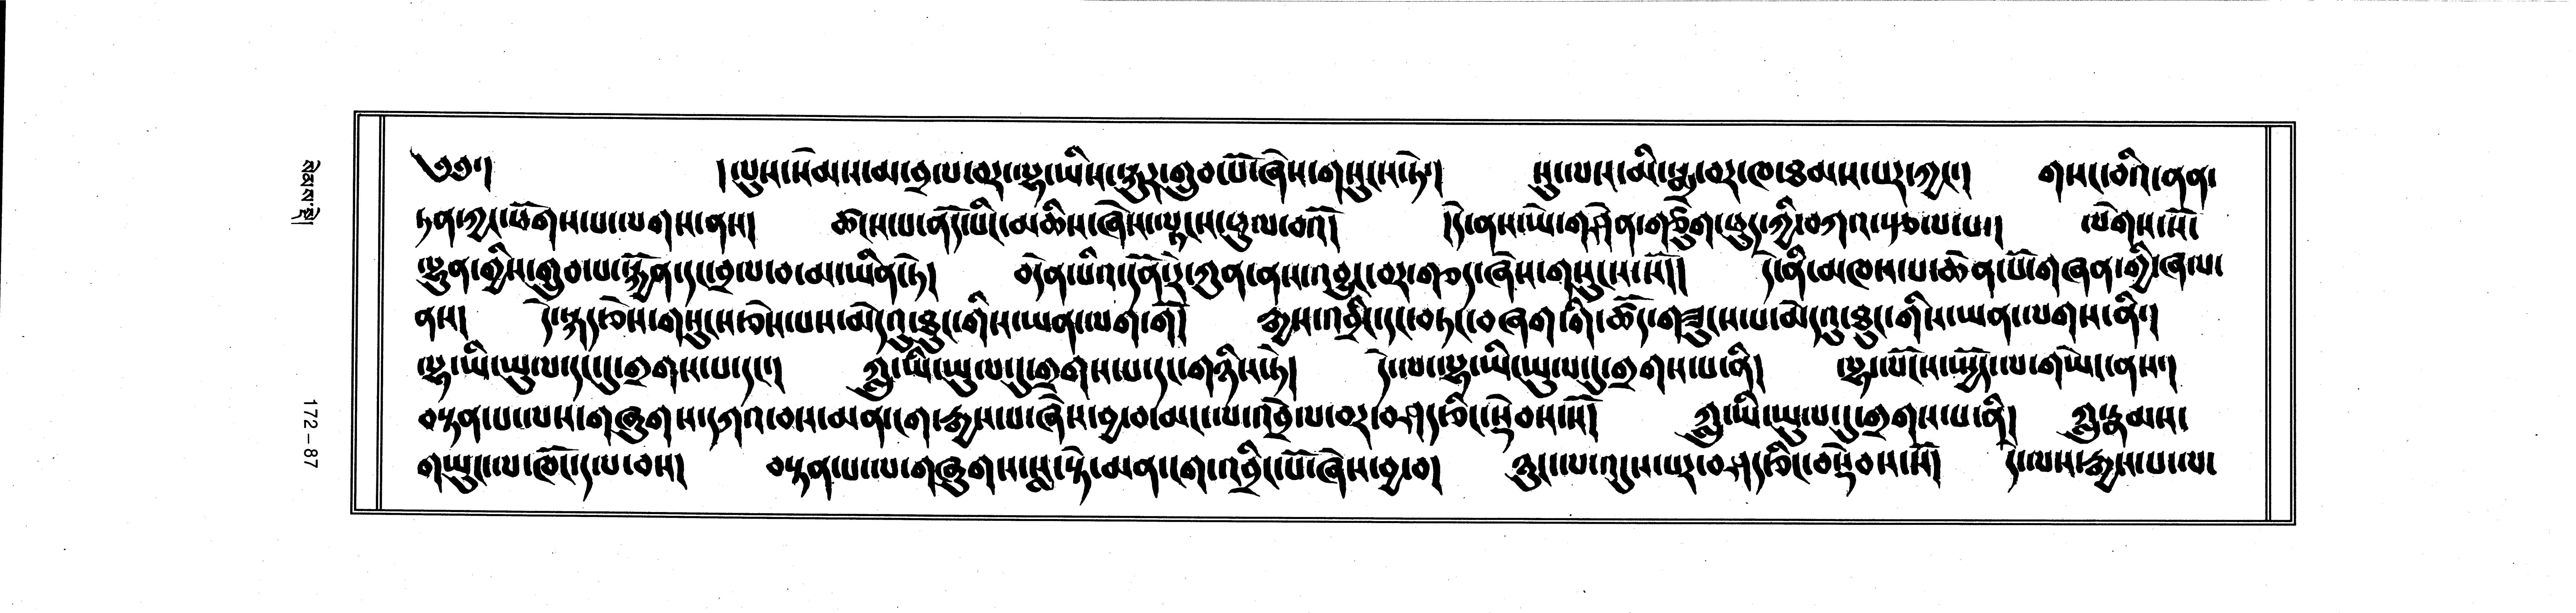ལུས་སེམས་མ་བྲལ་བར་ལྷ་ཡིས་སྐུར་གྲུབ་པོ་ཞེས་གསུངས་ཏེ། སུ་ལས་མི་སྨྲ་བར་ཁ་ཐམས་པར་ཀྱང་། གསང་བའི་ནན་
ཏན་ཀྱང་ཕོགས་པ་ལགས་ནས། ཚངས་པ་ནོད་པིང་མཆིས་ཞེས་ལྟངས་ཕུལ་བའོ། དེ་ནས་ཡེ་གཤེན་གཙུག་ཕུད་ཀྱི་བཀའ་སྩལ་པ། ལེགས་སོ་
ལྷུན་གྱིས་གྲུབ་པ་སྐྱོན་དང་བྲལ་བ་མ་ཡིན་ཏེ། བདེན་པའི་དོན་རེ་ཀུན་ནས་འབྱུང་བར་གཅད་ཞེས་གསུངས་སྭོ། དེ་ནི་མཁས་པ་ཆེན་པོ་གཞན་གྱི་ཞལ་
ནས། དེ་སྐད་ཅེས་གསུངས་ཅེས་པས་མདེའུ་ཐུང་གིས་ཡན་ལག་གོ། རྒྱས་འབྲིང་དང་བཏང་བཞག་གི་ཚོད་གཟུངས་པ་མདེའུ་ཐུང་གིས་ཡན་ལག་ནི། 
ལྷ་ཡི་ཡུལ་དང་དུ་གྲགས་པ་དང་། ཀླུ་ཡི་ཡུལ་དུ་གྲགས་པ་དང་གཉིས་ཏེ། དེ་ལ་ལྷ་ཡི་ཡུལ་དུ་གྲགས་པ་ནི། ལྷ་ལོངས་སྤྱོད་ལ་གཡེང་ནས། 
བསྟན་པ་ལས་གཞུགས་དཀའ་བས་མན་ངག་རྒྱས་པ་ཞེས་བྱ་བ་མང་ལ་འབྲེལ་བར་བཤད་ཅིང་སྡེབས་སྭོ། ཀླུ་ཡི་ཡུལ་དུ་གྲགས་པ་ནི། ཀླུ་རྣམས་
གཡུང་ལ་ཁོང་དལ་བས། བསྟན་པ་ལ་གཞུགས་སླ་སྟེ་མན་ངག་འབྲིང་པོ་ཞེས་བྱ་བ། ཉུང་ལ་འདུས་པར་བཤད་ཅིང་བསྡེབས་སྭོ། དེ་ལས་རྒྱས་པ་ལ་